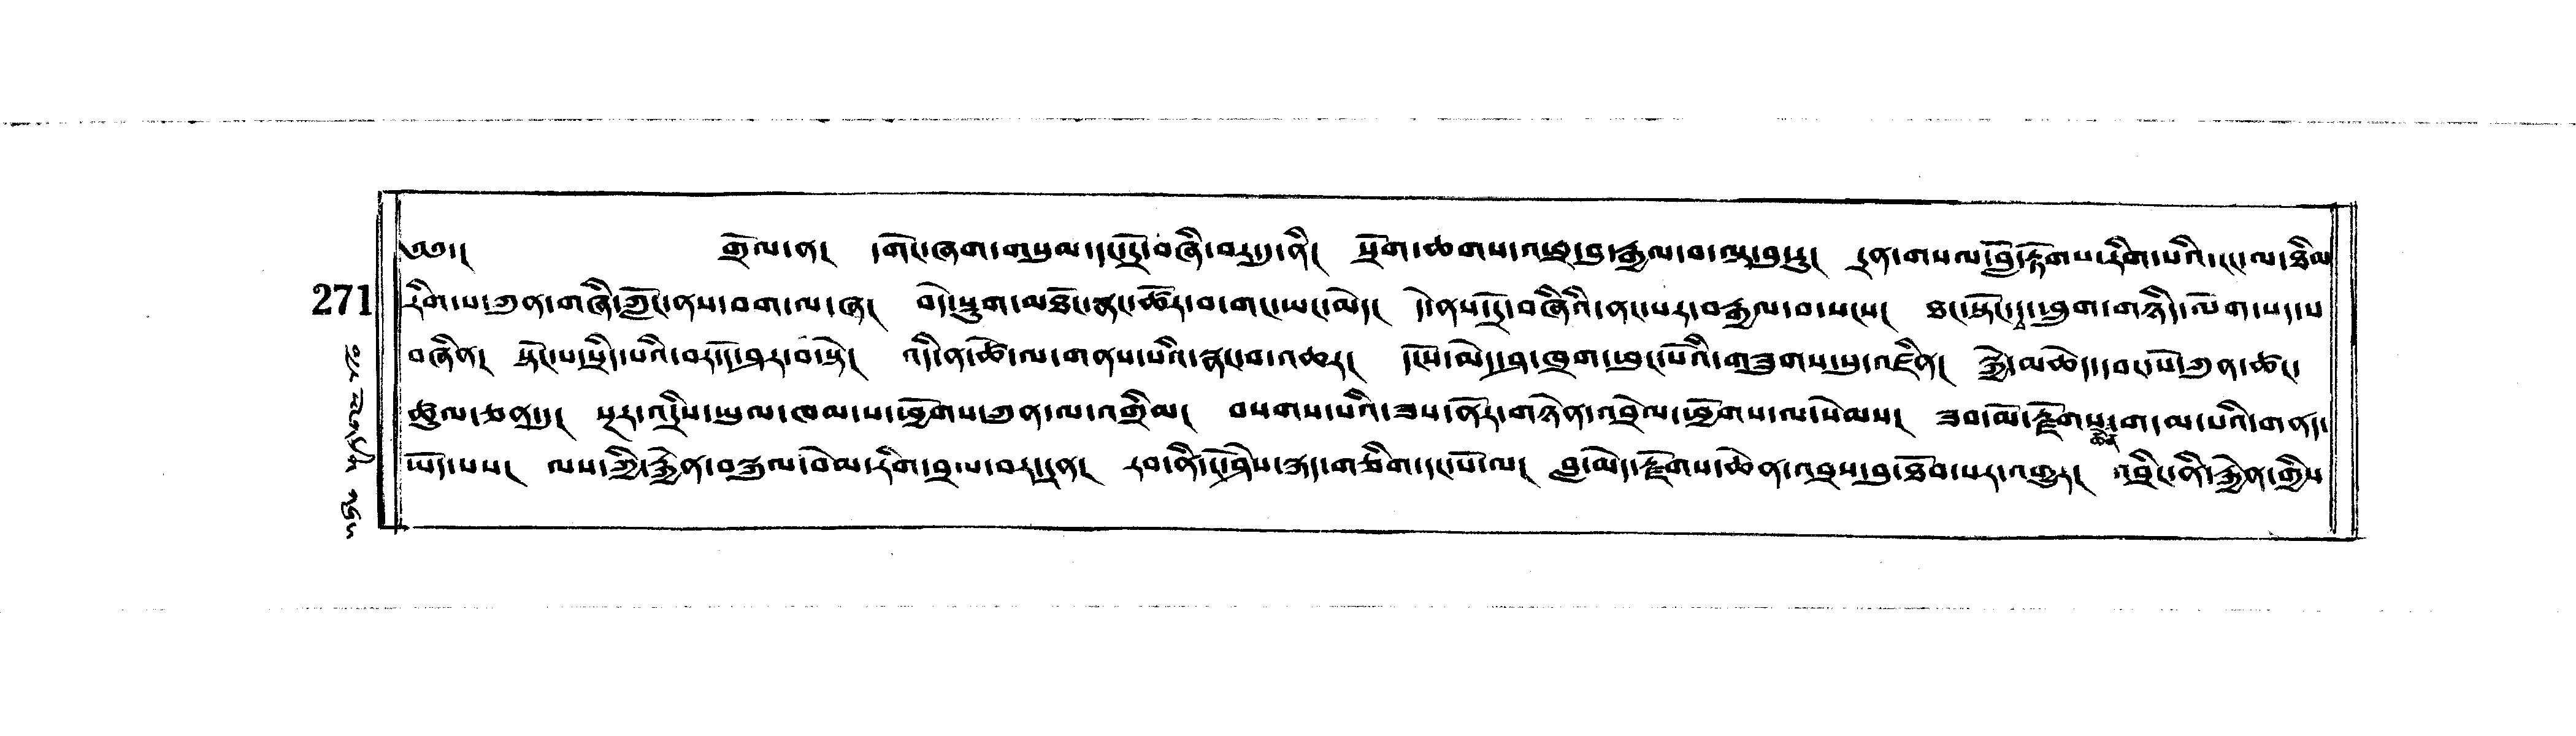གྲོལ་ན། དགོང་ཞག་གསུམ་དང་དྲོ་བཞི་བར་དུ་ནི། སྲོག་ཆགས་འཕྲ་བུ་བརྒྱལ་བ་ལྟ་བུ་རུ། དྲན་གསལ་བློ་སྟོབས་རིག་པའི་ངང་ལ་ཐིམ། 
རིག་པ་ཀུན་གཞི་ཀློང་ནས་བག་ལ་ཞ། བདེ་སྡུག་མཐོང་སྣང་ཚོར་བ་གང་ཡང་མེད། དེ་ནས་དྲོ་བཞིའི་ནང་པར་བརྒྱལ་བ་སངས། ཐང་སྟོང་དྭ་ཕྲུག་གཉིད་ལོག་སད་པ་
བཞིན། སྟོང་པ་སྲིད་པའི་བར་དོ་ཤར་བ་སྟེ། འདི་ན་ཚེ་ལ་གནས་པའི་སྣང་བ་འཆར། དངོས་མེད་ཤ་ཁྲག་ཕུང་པོའི་གཟུགས་སུ་འཛིན། སྐྱེ་མཆེད་དབང་པོ་ཀུན་ཚང་
ཚུལ་ཅན་དུ། སྔར་འདྲིས་ཡུལ་ཁམས་ས་ཕྱོགས་ཀུན་ལ་འགྲིམས། བསགས་པའི་ཟས་ནོར་གཉེན་འབྲེལ་ཕྱོགས་ལ་སེམས། ཟབ་མོ་རྫོགས་ཆེན་གདམས་པའི་གནད་
ཡོད་པས། ལས་ཀྱི་རྐྱེན་བསྐུལ་བེམ་རིག་བྲལ་བར་དྲན། རབ་ནི་ངོ་ཤེས་སྐད་ཅིག་དང་པོ་ལ། བླ་མེད་རྫོགས་ཆེན་འབྲས་བུ་ཐོབ་པར་འགྱུར། འབྲིང་ནི་རྐྱེན་གྱིས་